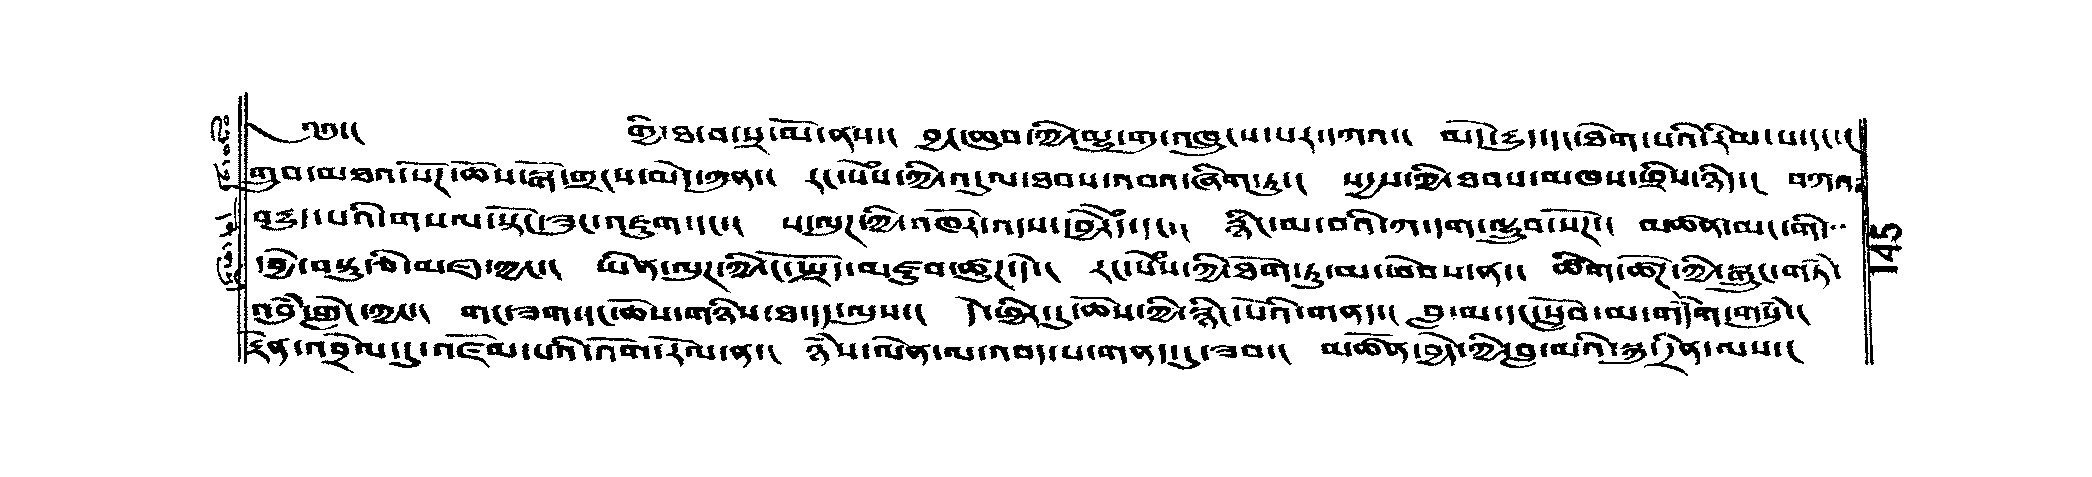གྱི་ཐ་བ་སྲ་མོ་ནས། །བྱང་ཆུབ་ཀྱི་མྱུ་གུ་འཁྲུངས་པར་དཀའ། མདོ་རྒྱུད་དང་ཐེག་པའི་རིམ་པ་དང་། །
གྲུབ་མཐའ་སོགས་ཆོས་སྒོ་གྲངས་མེད་ཀུན། །རང་སེམས་ཀྱི་འདུལ་ཐབས་འབའ་ཞིག་ཏུ། །སངས་རྒྱས་ཀྱི་ཐབས་མཁས་ཕྲིན་ལས་ཉིད། །བཀའ་
བརྒྱུད་པའི་གསལ་སྟོང་ཟུང་འཇུག་དང་། །ས་ལུགས་ཀྱི་འཁོར་འདས་དབྱེར་མེད་དང་། །རྙིང་མ་བའི་ཀ་དག་ལྷུན་གྲུབ་སོགས། །མཚན་མང་གི་
དབྱེ་བསྡུ་ཅི་མཛད་ཀྱང་། །ཡིན་ལུགས་ཀྱི་ངོ་སྤྲོད་མཛུབ་ཚུགས་ཏེ། །རང་སེམས་ཀྱི་ཐོག་ཏུ་མ་ཕེབས་ན། །ཚིག་ཚོགས་ཀྱི་སྒྲུང་གཏམ་
འབུམ་གླེང་ཀྱང་། །གང་ཟག་དང་ཆོས་གཉིས་ཐ་དད་ལུས། །དེ་ཕྱིར་དུ་ཆོས་ཀྱི་སྙིང་པོའི་གནད། །བླ་མ་དང་སློབ་མ་གདམས་ངག་གསུམ། །
རྟེན་འབྲེལ་དུ་འཛོམ་པའི་འོག་རོལ་ན། །ཉམས་ལེན་ལ་འབད་པ་གནད་དུ་ཟབ། །མཚོན་བྱེད་ཀྱི་བླ་མའི་སྐུ་དྲིན་ལས།